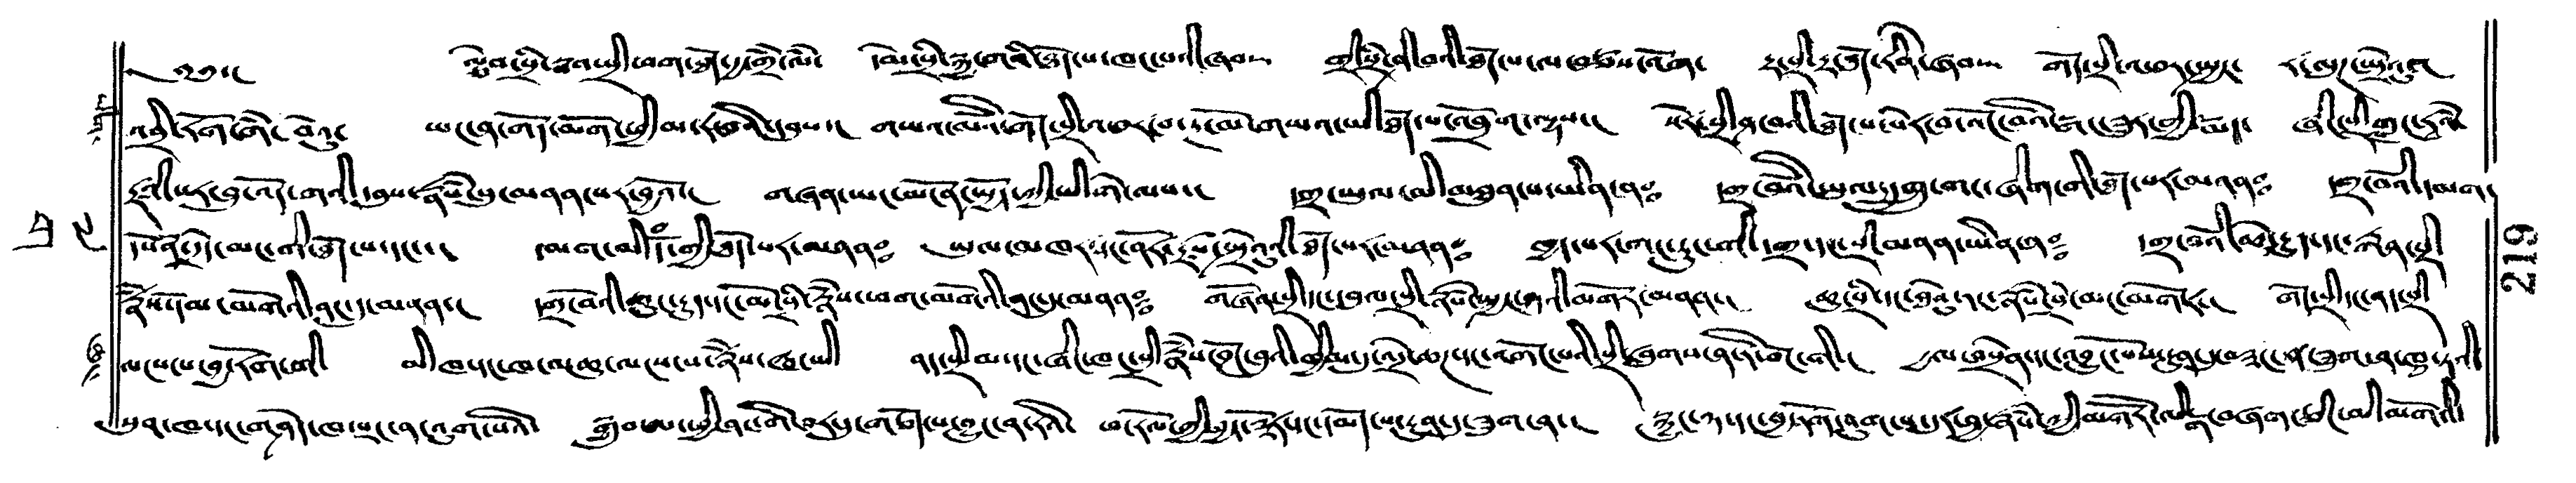ལྕེབ་སྲི་རྦབ་སྲི་ཕག་ཐོད་རྒྱ་གྲམ་ལམ། དམེ་སྲི་སྐྱ་གའི་ཐོད་པ་ཁང་པའི་ཞབས། གྲི་སྲི་ཤི་བའི་ཐོད་པ་ལ་བཙས་འོག རྟ་སྲི་རྟ་ཐོད་རི་ཆེན་ཞབས། གོད་སྲི་འཕར་སྤྱང་། ར་ལུག་སྤྲེའུ། 
འབྲི་རོག་གམ་བེའུ། ཡང་ན་གོད་མགོ་ཕྱི་མ་ར་བའི་དབུས། གཡའ་ལོའི་གོད་སྲི་འཕར་བ་རྔ་མོ་གཡའ་ཡི་ཐོད་པ་འབྲོག་ལྷས། སེར་སྲི་ཤ་བའི་ཐོད་པ་སེར་བ་འོང་བའི་སྒང་ཟུར་གྱི་སྨད། ཞིང་སྲི་གླང་རྭའམ་
རྫའི་པར་བུ་འོངས་གའི་དབུས་རྣམས་སུ་མནན་པར་བྱའོ།གཞན་ཡང་མངོན་སྤྱོད་ཀྱི་ཡི་གེ་ལས། དགྲ་ཡུལ་མི་མཐུན་པ་ཡིན་ན༔ དགྲ་བོའི་ཡུལ་གྲུ་གང་ཞིག་གི་ཐོད་པར་མནན༔ དགྲ་བོའི་དམག་
དཔོན་ནམ་དྲེད་མོང་གི་ཐོད་པ་དང༔ དམག་མིའམ་དོམ་གྱི་ཐོད་པར་མནན༔ ཡུལ་མཁར་དང་ནོར་རྫས་སྤྲེའུའི་ཐོད་པར་མནན༔ ཁྱད་པར་གང་རུང་གི་དགྲ་དང་སྲི་མནན་ཡིན་ན༔ དགྲ་བོའི་ཆེ་རྒྱུད་དང་རྒན་སྲི་
རྣམས་དོམ་མགོའི་ནང་དུ་མནན། དགྲ་བོའི་ཆུང་རྒྱུད་དང་མོ་སྲི་རྣམས་ཕག་མགོའི་ནང་དུ་མནན༔ གཞོན་སྲི་དང་དབུལ་སྲི་རྣམས་སྤྱང་ཀིའི་མགོར་མནན༔ ཆུང་སྲི་དང་ཐེའུ་རང་རྣམས་སྲེ་མོང་མགོར༔ གོད་སྲི་དང་ནད་སྲི་
ལངས་པ་བྱ་རོག་གི༔ མི་ཁ་དང་ཁ་མཆུ་ལངས་པ་རྣམས་ཝ་ཡི༔ ནད་སྲི་དང་ཞིང་ཁང་སྲི་རྣམས་བོང་བུའི༔ཁྱིམ་དུ་འདྲེ་ཆགས་དང་འགོང་པོའི་སྲི་ཞུགས་ན་རི་བོང་གི༔ རྒྱལ་བསེན་དང་འབྱུང་པོས་རྒྱུན་དུ་ཟ་ཁ་ཟུག་ན་ཁྭ་ཏའི༔
སུན་ཁ་དང་གཤེད་ཁ་སྡང་ན་འུག་པའི༔ སྒྲུབ་ལ་ཕྱི་ནང་གི་བར་དུ་གཅོད་པ་བྱུང་ན་རའི༔ ཕ་རོལ་གྱི་བྱད་ཟོར་དང་དམོད་པ་རྒྱུན་དུ་ཟུག་ན་རྐྱུང་ཀ་དང་བྱ་རོག་འུག་པ་དུར་བྱ་རྣམས་ཀྱི་མགོ་བོར་ལིངྒ་བཞག་ཅིང་མི་མགོའི་